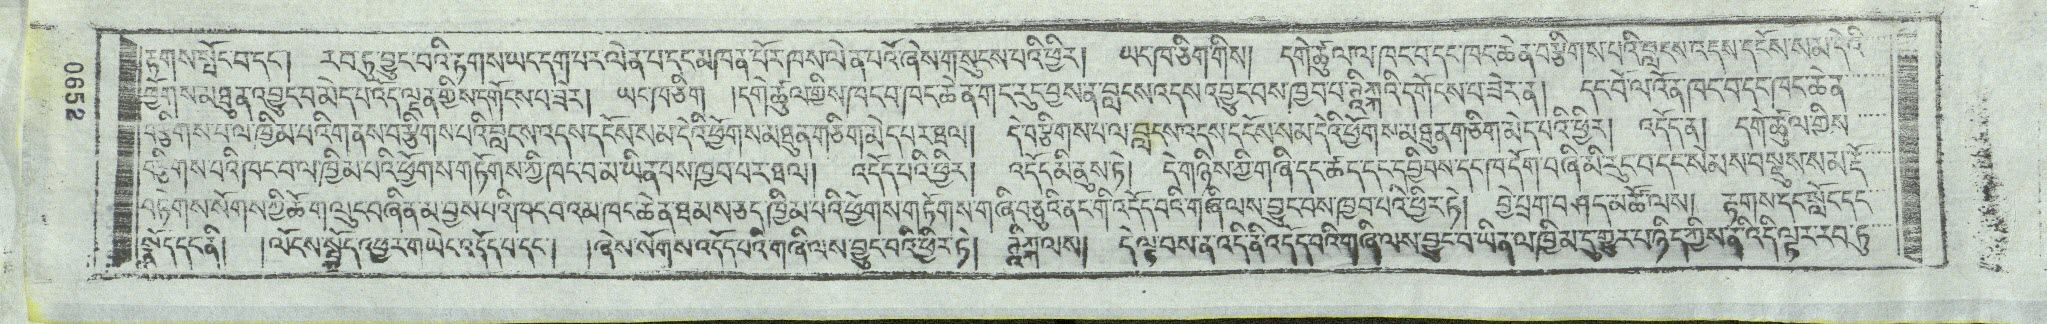རྟགས་སྤོང་བ་དང་། རབ་ཏུ་བྱུང་པའི་རྟགས་ཡང་དག་པར་ལེན་པ་དང་མཁན་པོར་ཁས་ལེན་པའོ་ཞེས་གསུངས་པའི་ཕྱིར། ཡང་ཁ་ཅིག་གིས། དགེ་ཚུལ་ལ་ཁང་བ་དང་ཁང་ཆེན་བརྩིགས་པའི་བླངས་འདས་དངོས་སམ་དེའི་
ཕྱོགས་མཐུན་འབྱུང་བ་མེད་པ་འོད་ལྡན་གྱིས་དགོངས་པ་ཟེར། ཡང་ཁ་ཅིག །དགེ་ཚུལ་གྱིས་ཁང་བ་ཁང་ཆེན་གང་རུང་བྱས་ན་བླངས་འདས་འབྱུང་བས་ཁྱབ་པ་ཊཱིཀྐའི་དགོངས་པ་ཟེར་ན། དང་པོ་ལ་འོ་ན་ཁང་པ་དང་ཁང་ཆེན་
བརྩིགས་པ་ལ་ཁྱིམ་པའི་གནས་བརྩིགས་པའི་བླངས་འདས་དངོས་སམ་དེའི་ཕྱོགས་མཐུན་གཅིག་མེད་པར་ཐལ། དེ་བརྩིགས་པ་ལ་བླངས་འདས་དངོས་སམ་དེའི་ཕྱོགས་མཐུན་གཅིག་མེད་པའི་ཕྱིར། འདོད་ན། དགེ་ཚུལ་གྱིས་
བརྩིགས་པའི་ཁང་བ་ལ་ཁྱིམ་པའི་ཕྱོགས་གཏོགས་ཀྱི་ཁང་བ་མ་ཡིན་པས་ཁྱབ་པར་ཐལ། འདོད་པའི་ཕྱིར། འདོད་མི་ནུས་ཏེ། དེ་གཉིས་ཀྱི་གཞི་དང་ཚད་དང་དབྱིབས་དང་ཁ་དོག་བཞི་མི་རུང་བ་དང་སེམས་བསྡུས་སམ་རྡོ་
བཏེགས་སོགས་ཀྱི་ཆོ་ག་ལུང་བཞིན་མ་བྱས་པའི་ཁང་བ་འམ་ཁང་ཆེན་ཐམས་ཅད་ཁྱིམ་པའི་ཕྱོགས་གཏོགས་གཞི་བཅུའི་ནང་གི་འདོད་པའི་གཞི་ལས་བྱུང་བས་ཁྱབ་པའི་ཕྱིར་ཏེ། བྱེ་བྲག་བཤད་མཚོ་ལས། རྟགས་དང་སློང་དང་
སྣོད་དང་ནི། །ལོངས་སྤྱོད་འཕྱར་གཡེང་འདོད་པ་དང་། །ཞེས་སོགས་འདོད་པའི་གཞི་ལས་བྱུང་བའི་ཕྱིར་ཏེ། ཊཱིཀྐ་ལས། དེ་ལྟ་བས་ན་འདི་ནི་འདོད་པའི་གཞི་ལས་བྱུང་བ་ཡིན་ལ་ཁྱིམ་དུ་གྱུར་པ་ཉིད་ཀྱིས་ནི་འདི་ལྟར་རབ་ཏུ་